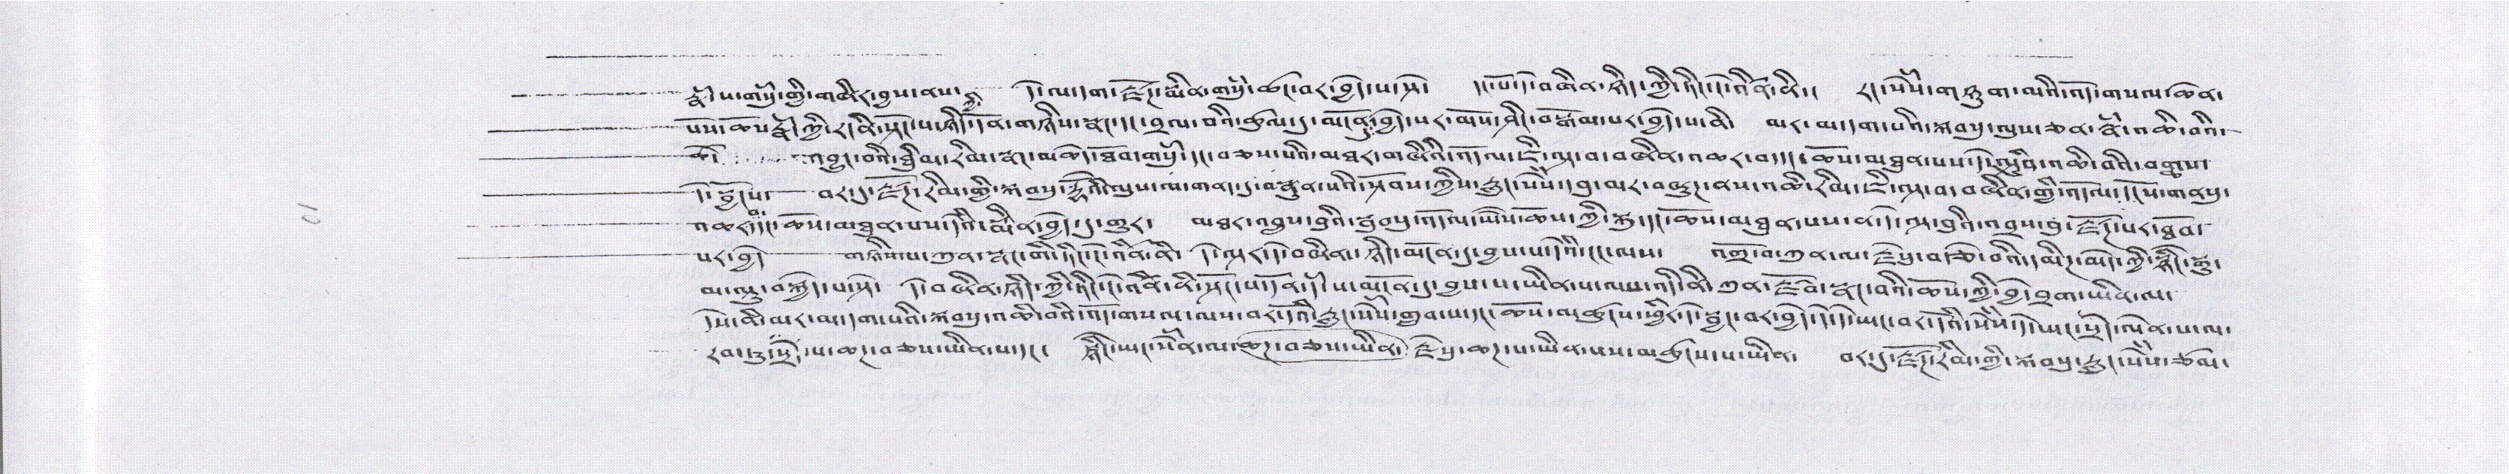རྣམ་པ་གསུམ་གྱི་གཞིར་བྱས་ནས། དེ་ལ་དག་རྫོགས་སྨིན་གསུམ་ཚང་བར་བྱེད་པ་སྟེ། དང་པོ་དེ་བཞིན་ཉིད་ཀྱི་ཏིང་ངེ་འཛིན་ནི། རང་སེམས་གཉུག་མའི་འོད་གསལ་ཆེན་
པོས་ཆོས་རྣམས་ཀྱི་རང་བཞིན་སྟོང་པ་ཉིད་དོན་གཉིས་སྣང་བྲལ་བའི་ཚུལ་དུ་མངོན་དུ་བྱེད་པར་མོས་ཤིང་སྒོམ་པར་བྱེད་པ་ནི། མར་མ་དག་པའི་སྐབས་སུ་ལུས་ཅན་རྣམས་འཆི་བའི་
ཚེ་འབྱུང་བའི་ཐིམ་རིམ་སྣང་མཆེད་ཐོབ་གསུམ་དང་བཅས་པའི་མཐར་གཞིའི་འོད་གསལ་ཇི་ལྟ་བ་བཞིན་འཆར་བ་དང་ཆོས་མཐུན་པས་དེ་ལྟ་བུའི་འཆི་བའི་བག་ཆགས་
དེ་སྦྱོང་། བར་དུ་རྫོགས་རིམ་གྱིས་སྐབས་སུ་རྡོ་རྗེའི་ལུས་ལ་གནད་དུ་བསྣུན་པའི་སྟོབས་ཀྱིས་རླུང་སེམས་དབུ་མར་ཞུགས་ནས་འཆི་རིམ་ཇི་ལྟ་བ་བཞིན་གྱི་འོད་གསལ་དངོས་གནས་སུ་
འཆར་བ་དང་ཆོས་མཐུན་པས་དེའི་སྨིན་བྱེད་དུ་གྱུར། མཐར་འབྲས་བུའི་སྦུབས་སུ་འོད་གསལ་ཡེ་ཤེས་ཆོས་ཀྱི་སྐུ་དང་ཆོས་མཐུན་པས་ན་དེ་ལྟ་བུའི་འབྲས་བུ་རྫོགས་པར་ཐོབ་
པར་བྱེད། གཉིས་པ་ཀུན་སྣང་གི་ཏིང་ངེ་འཛིན་ནི། དེ་ལྟར་དེ་བཞིན་ཉིད་མངོན་དུ་བྱས་པ་དེའི་ངང་ལས། འགྲོ་བ་ཀུན་ལ་རྗེས་སུ་བརྩེ་བའི་དམིགས་མེད་ཀྱི་སྙིང་རྗེ་སྒྱུ་
མ་ལྟ་བུ་བསྐྱེད་པ་སྟེ། དེ་བཞིན་ཉིད་ཀྱི་ཏིང་ངེ་འཛིན་ནི་སྟོང་པ་དོན་དམ་པ་མངོན་དུ་བྱས་པ་ཡིན་པ་ལས་འདི་ནི་ཀུན་རྫོབ་སྣང་བའི་ཆོས་ཀྱི་བྱེ་བྲག་ཡིན་ལ། 
དེས་ནི་མར་མ་དག་པའི་སྐབས་སུ་བར་དོའི་རླུང་སེམས་གྲུབ་པ་དང་ཆོས་མཚུངས་ཕྱིར་དེ་སྦྱང་བར་བྱེད་དེ། དེ་ཡང་བར་དོའི་སེམས་དེ་ཡང་སྲེད་ལེན་པ་ལ་
རབ་ཏུ་སྲེད་པ་ཆགས་བཅས་ཡིན་པ་དང་། སྙིང་རྗེ་ཡང་སེམས་ཅན་ལ་རྗེས་སུ་ཆགས་པ་ཡིན་པས་མཚུངས་པ་ཡིན། བར་དུ་རྫོགས་རིམ་གྱི་སྐབས་སུ་རླུང་སེམས་ཙམ་